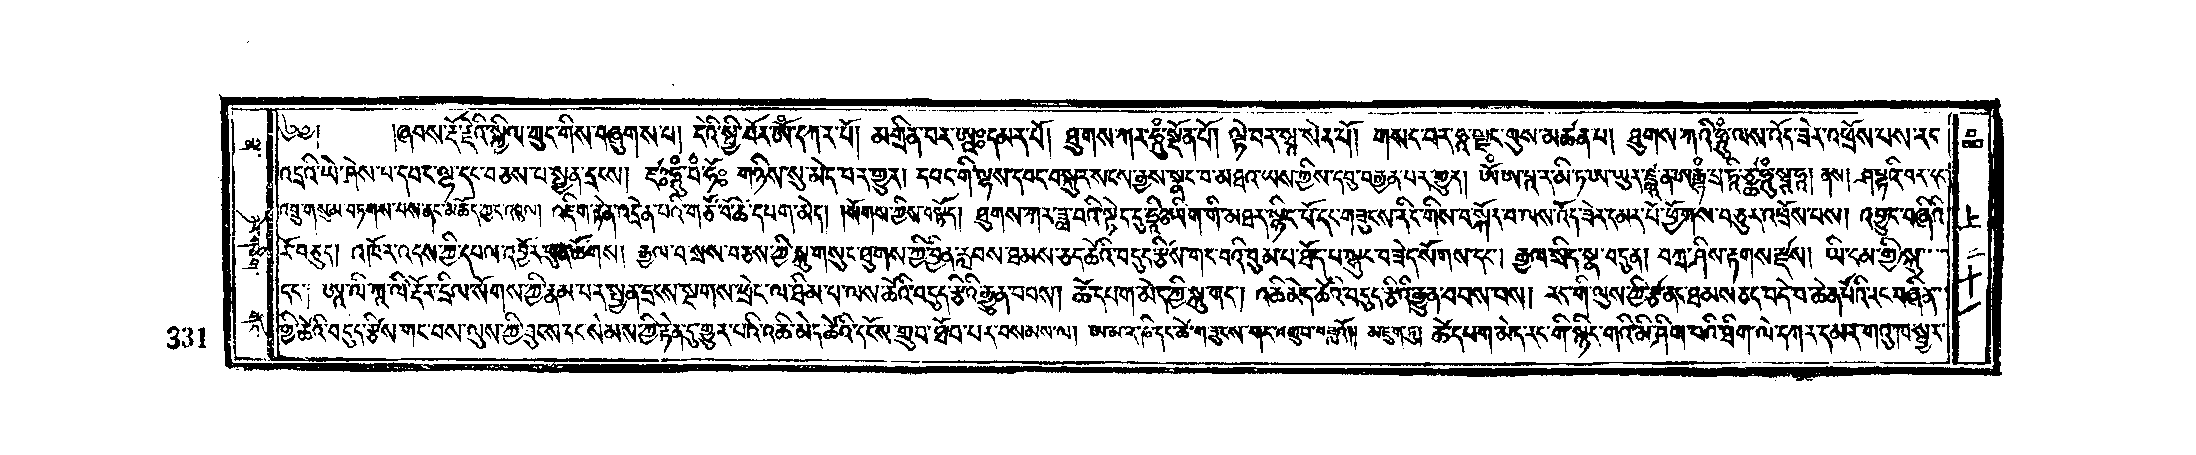༄༅། །ཞབས་རྡོ་རྗེའི་སྐྱིལ་ཀྲུང་གིས་བཞུགས་པ། དེའི་སྤྱི་བོར་ཨོཾ་དཀར་པོ། མགྲིན་པར་ཨཱཿ དམར་པོ། ཐུགས་ཀར་ཧཱུཾ་སྔོན་པོ། ལྟེ་བར་སྭཱ་སེར་པོ། གསང་བར་ཧཱ་ལྗང་གུས་མཚན་པ། ཐུགས་ཀའི་ཧཱུཾ་ལས་འོད་ཟེར་འཕྲོས་པས་རང་
འདྲའི་ཡེ་ཤེས་པ་དབང་ལྷ་དང་བཅས་པ་སྤྱན་དྲངས། ཛཿ ཧཱུཾ་པཾ་ཧོཿ གཉིས་སུ་མེད་པར་གྱུར། དབང་གི་ལྷས་དབང་བསྐུར་སངས་རྒྱས་སྣང་བ་མཐའ་ཡས་ཀྱིས་དབུ་བརྒྱན་པར་གྱུར། ཨོཾ་ཨ་པཱ་ར་མི་ཏ་ཨ་ཡུར་ཛྙཱ་ན་ཨརྒྟཾ་པྲ་ཏཱི་ཙྪ་ཧཱུཾ་སྭཱ་ཧཱ། ནས། ཤཔྟའི་བར་དང་
འབྲུ་གསུམ་བཏགས་པས་ནང་མཆོད་ཀྱང་འབུལ། འཇིག་རྟེན་འདྲེན་པའི་གཙོ་བོ་ཚེ་དཔག་མེད། །སོགས་ཀྱིས་བསྟོད། ཐུགས་ཀར་ཟླ་བའི་སྟེང་དུ་ཧྲཱིཿ ཡིག་གི་མཐར་སྙིང་པོ་དང་གཟུངས་རིང་གིས་བསྐོར་བ་ལས་འོད་ཟེར་དམར་པོ་ཕྱོགས་བཅུར་འཕྲོས་པས། འབྱུང་བཞིའི་
རོ་བཅུད། འཁོར་འདས་ཀྱི་དཔལ་འབྱོར་ཕུན་ཚོགས། རྒྱལ་བ་སྲས་བཅས་ཀྱི་སྐུ་གསུང་ཐུགས་ཀྱི་བྱིན་རླབས་ཐམས་ཅད་ཚེའི་བདུད་རྩིས་གང་བའི་བུམ་པ་ཐོད་པ་ལྷུང་བཟེད་སོགས་དང་། རྒྱལ་སྲིད་སྣ་བདུན། བཀྲ་ཤིས་རྟགས་རྫས། ཡི་དམ་གྱི་སྐུ་
དང་། ཨཱ་ལི་ཀཱ་ལི་རྡོར་དྲིལ་སོགས་ཀྱི་རྣམ་པར་སྤྱན་དྲངས་སྔགས་ཕྲེང་ལ་ཐིམ་པ་ལས་ཚེའི་བདུད་རྩིའི་རྒྱུན་བབས། ཚེ་དཔག་མེད་ཀྱི་སྐུ་གང་། འཆི་མེད་ཚེའི་བདུད་རྩིའི་རྒྱུན་བབས་པས། རང་གི་ལུས་ཀྱི་རྩ་ནང་ཐམས་ཅད་བདེ་བ་ཆེན་པོའི་རང་བཞིན་
གྱི་ཚེའི་བདུད་རྩིས་གང་བས་ལུས་ཀྱི་ཟུངས་དང་སེམས་ཀྱི་རྟེན་དུ་གྱུར་པའི་འཆི་མེད་ཚེའི་དངོས་གྲུབ་ཐོབ་པར་བསམས་ལ། ཨ་མ་ར་ཎི་དང་ཚེ་གཟུངས་གང་འགྲུབ་བཟླའོ། མཇུག་ཏུ། ཚེ་དཔག་མེད་རང་གི་སྙིང་གའི་མི་ཤིག་བའི་ཐིག་ལེ་དཀར་དམར་གའུ་ཁ་སྦྱར་